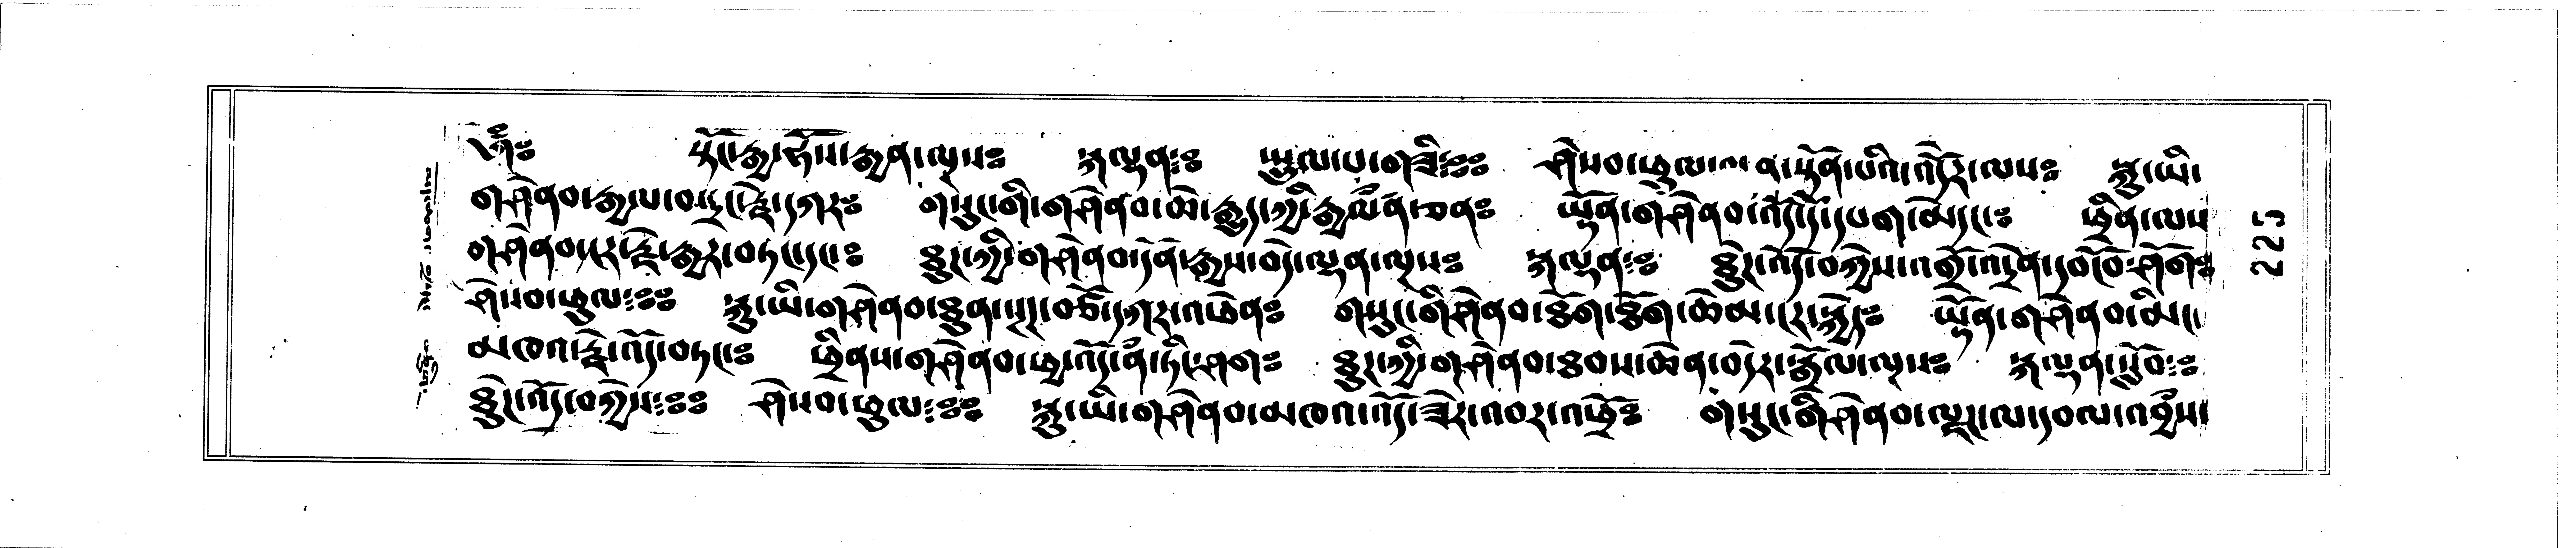སྟོང་རྒྱ་ཧོས་རྒྱན་ལྔསཿ སྐལ་ལྡན་སློབ་མ་རྣམས་ལ་དབང་བསྐུར་བསཿ སྤྲུལ་པ་གཟི་བརྗིད་འགྲོ་འདྲེན་དབང་ཐོབ་ཤོགཿ ཤེས་རབ་ཕུལ་ལྡན་སྟོན་པའི་འོད་ཟེར་ལསཿ སྐུ་ཡི་
གཤེན་རབ་རྒྱལ་བ་དྲང་རྗེ་དཀརཿ གསུང་གི་གཤེན་རབ་ཆེ་བརྗིད་ཀྱི་རྒྱལ་མཚན་ཅནཿ ཡོན་ཏན་གཤེན་རབ་འོད་དེ་དཔག་མེད་དངཿ ཕྲིན་ལས་
གཤེན་རབ་ངར་རྗེ་རྒྱལ་བཏང་དངཿ ཐུགས་ཀྱི་གཤེན་རབ་དོན་རྒྱས་བདེ་ལྡན་ལྔསཿ སྐལ་ལྡན་སློབ་མ་རྣམས་ལ་དབང་བསྐུར་བསཿ ཐུགས་རྗེ་འོད་བཀྱེས་འགྲོ་འདྲེན་དབང་ཐོབ་ཤོགཿ 
ཤེས་རབ་ཕུལ་ལྡན་སྟོན་པའི་འོད་ཟེར་ལསཿ སྐུ་ཡི་གཤེན་རབ་ཐུན་སྔགས་བཙོ་དཀར་འཕེནཿ གསུང་གི་གཤེན་རབ་ཐོག་ཐོག་ཆེམ་ངར་དང་སྐྱེདཿ ཡོན་ཏན་གྱི་གཤེན་རབ་མིང་
མཁའ་རྗེ་འོད་བཏངཿ ཕྲིན་ལས་ཀྱི་གཤེན་རབ་ཕྱ་འོད་ནམ་ཏིང་ཤགཿ ཐུགས་ཀྱི་གཤེན་རབ་ཐབས་ཆེན་བདེར་སྒྲོལ་ལྔསཿ སྐལ་ལྡན་སློབ་མ་རྣམས་ལ་དབང་བསྐུར་བསཿ 
ཐུགས་རྗེ་འོད་བཀྱེས་འགྲོ་འདྲེན་དབང་ཐོབ་ཤོགཿ ཤེས་རབ་ཕུལ་ལྡན་སྟོན་པའི་འོད་ཟེར་ལསཿ སྐུ་ཡི་གཤེན་རབ་མཁའ་འོད་ཟེར་འབར་འཕྲོཿ གསུང་གི་གཤེན་རབ་ལྗགས་ལ་དབལ་འབྱམས་